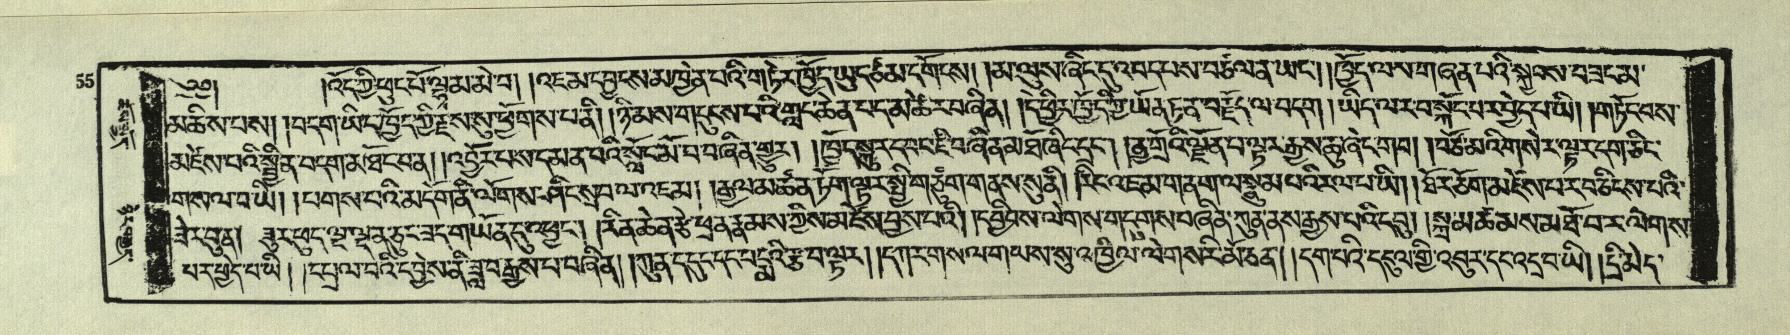༄༅། །འོད་ཀྱི་ཕུང་པོ་ལྷམ་མེ་བ། །འཇམ་དབྱངས་མཁྱེན་པའི་གཏེར་ཁྱོད་ཡུད་ཙམ་དགོངས། །མ་ལུས་ཞིང་དུ་འབད་པས་བཙལ་ན་ཡང་། །ཁྱོད་ལས་གཞན་པའི་སྐྱབས་བཟང་མ་
མཆིས་པས། །བདག་ཡིད་ཁྱོད་ཀྱི་རྗེས་སུ་ཕྱོགས་པ་ནི། །ཉི་མས་གདུངས་པའི་གླང་ཆེན་པད་མ་ཚེར་བཞིན། །དེ་ཕྱིར་ཁྱོད་ཀྱི་ཡོན་ཏན་བརྗོད་ལ་བདག །ཡིད་ལ་ར་བ་སྐོང་པར་བྱེད་པ་ཡི། །གཏོང་བས་
མཛེས་པའི་སྦྱིན་བདག་མཐོང་བ་ན། །འབྱོར་པས་དམན་པའི་སློང་མོ་བ་བཞིན་གྱུར། །ཁྱོད་སྐུར་དབང་ཇི་བཞིན་མཐོ་ཞིང་དྲང་། །ནྱ་གྲོའི་ལྗོན་པ་ལྟར་རྒྱས་ཆུ་ཞེང་གབ། །བཙོ་མའི་གསེར་ལྟར་དག་ཅིང་
གསལ་བ་ཡི། །པགས་པའི་མདོག་ནི་ལོགས་ཤིང་སྲབ་ལ་འཇམ། །རྒྱལ་མཚན་ཏོག་ལྟར་སྤྱི་གཙུག་གནས་སུ་ནི། །རིང་འཇམ་གནག་ལ་སྣུམ་པའི་རལ་པ་ཡི། །ཐོར་ཅོག་མཛེས་པར་བཅིངས་པའི་
ཟེར་བུན། ཟུར་ཕུད་ལྔ་ལྡན་ཅུང་ཟད་གཡོན་དུ་འཕྱང་། །རིན་ཆེན་རྩེ་ཕྲན་རྣམས་ཀྱིས་མཛེས་བྱས་པའི། །དབྱིབས་ལེགས་གདུགས་བཞིན་ཀུན་ནས་རྒྱས་པའི་དབུ། །སྐྲ་མཚམས་མཐོ་བར་ལེགས་
པར་ཕྱེད་པ་ཡི། །དཔྲལ་བའི་དབྱེས་ནི་ཟླ་བ་རྒྱས་པ་བཞིན། །ཀུན་ད་དུང་པདམའི་རྩ་བ་ལྟར། །དཀར་གསལ་གཡས་སུ་འཁྱིལ་ལེགས་རི་མོ་ཅན། །དག་པའི་དངུལ་གྱི་འབུར་དང་འདྲ་བ་ཡི། །དྲི་མེད་